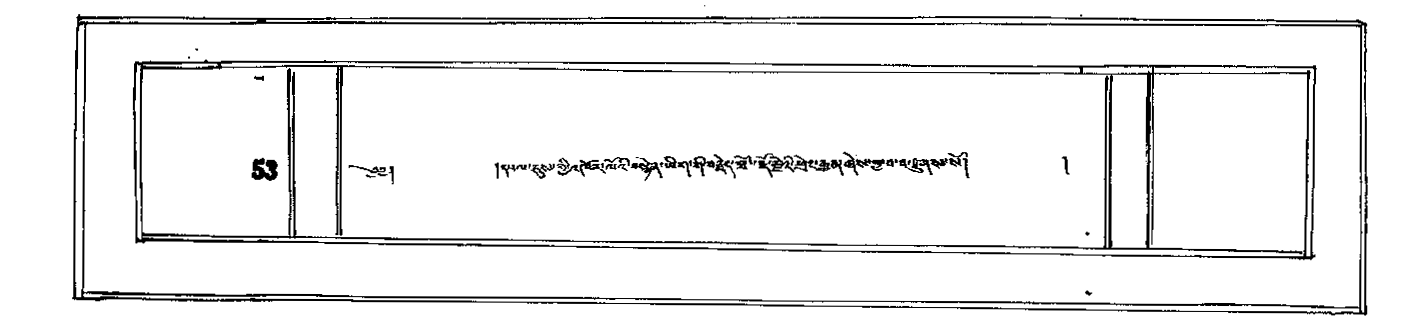༄༅། ། དཔལ་དུས་ཀྱི་འཁོར་ལོའི་བསྙེན་ཡིག་གི་བརྗེད་ཐོ་རྡོ་རྗེའི་ཕྲེང་རྒྱན་ཞེས་བྱ་བ་བཞུགས་སོ། །